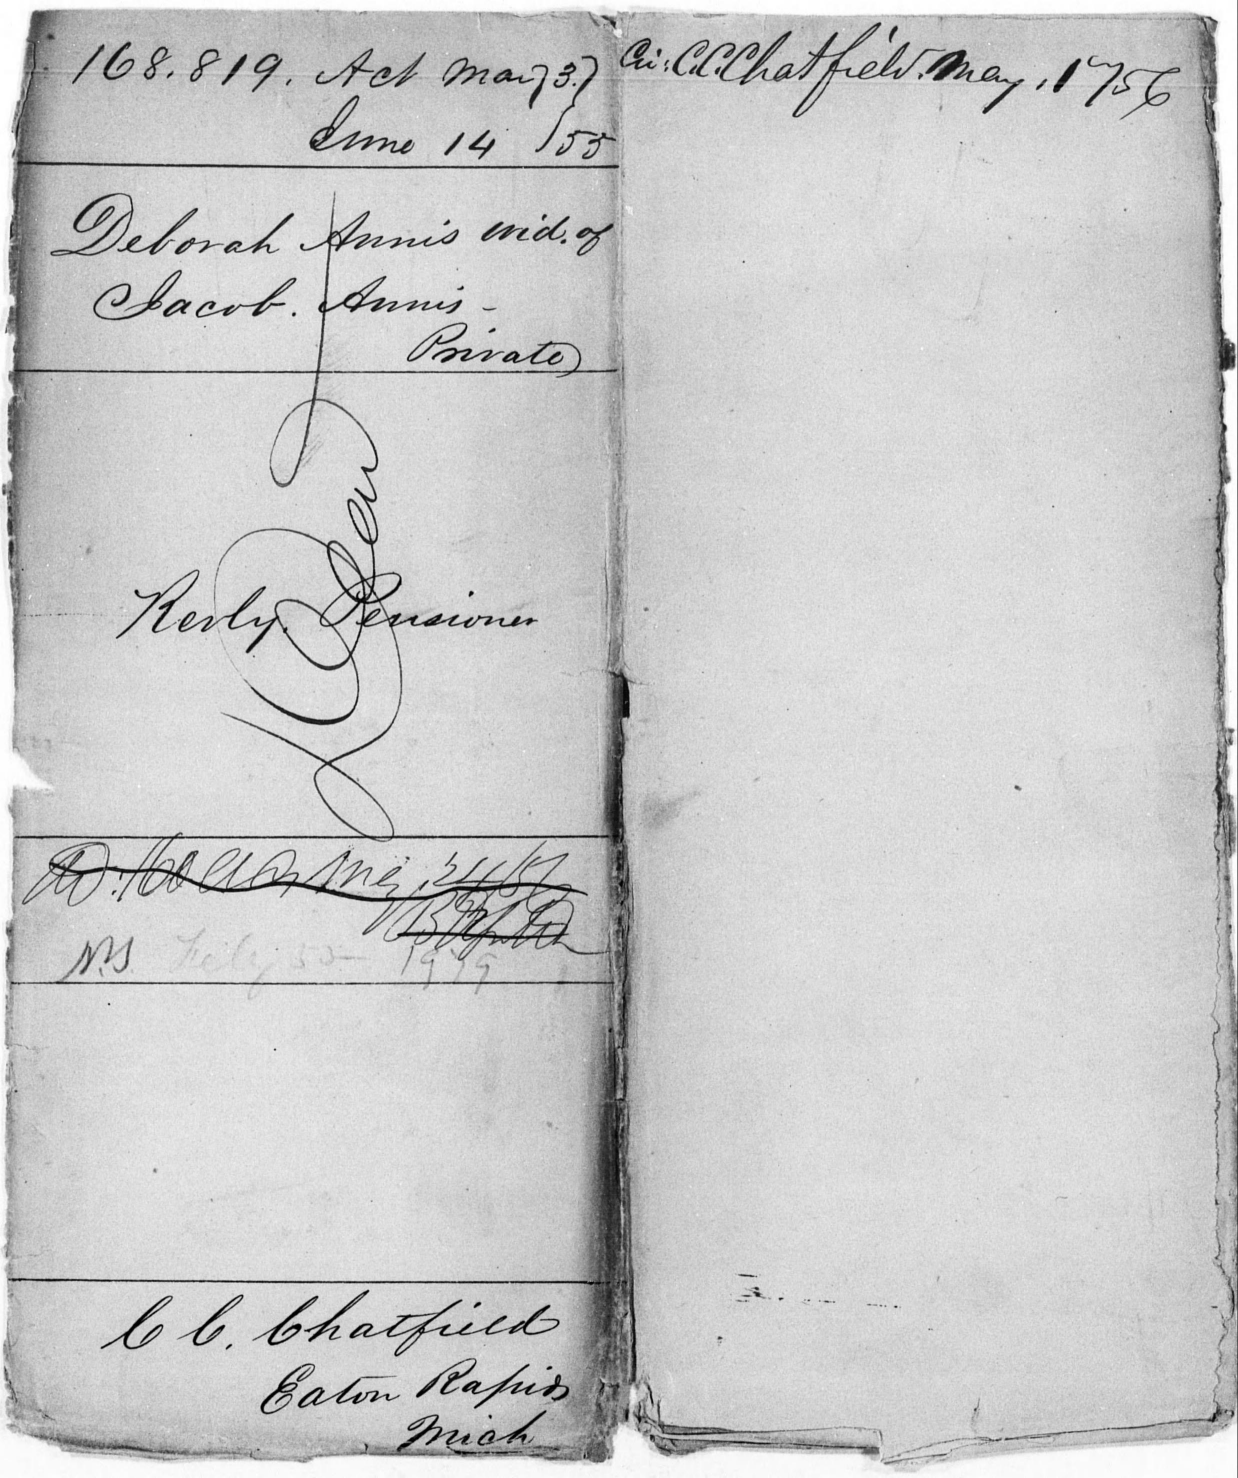168.819.  Act Mar 73
June 14 /55

Deborah Annis wid. of
Jacob Annis
Private

Revly Pensioner [overwritten by illegible scribble]

[crossed out line]

C C. Chatfield
Eaton Rapids
Mich.

C.C.Chatfield May, 1756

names: C C Chatfield, C C Chatfield, Deborah Annis, Jacob Annis, B Orpitch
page: 2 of 9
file: B.L.Reg 168819-1855, Jacob Annis, [BLANK]